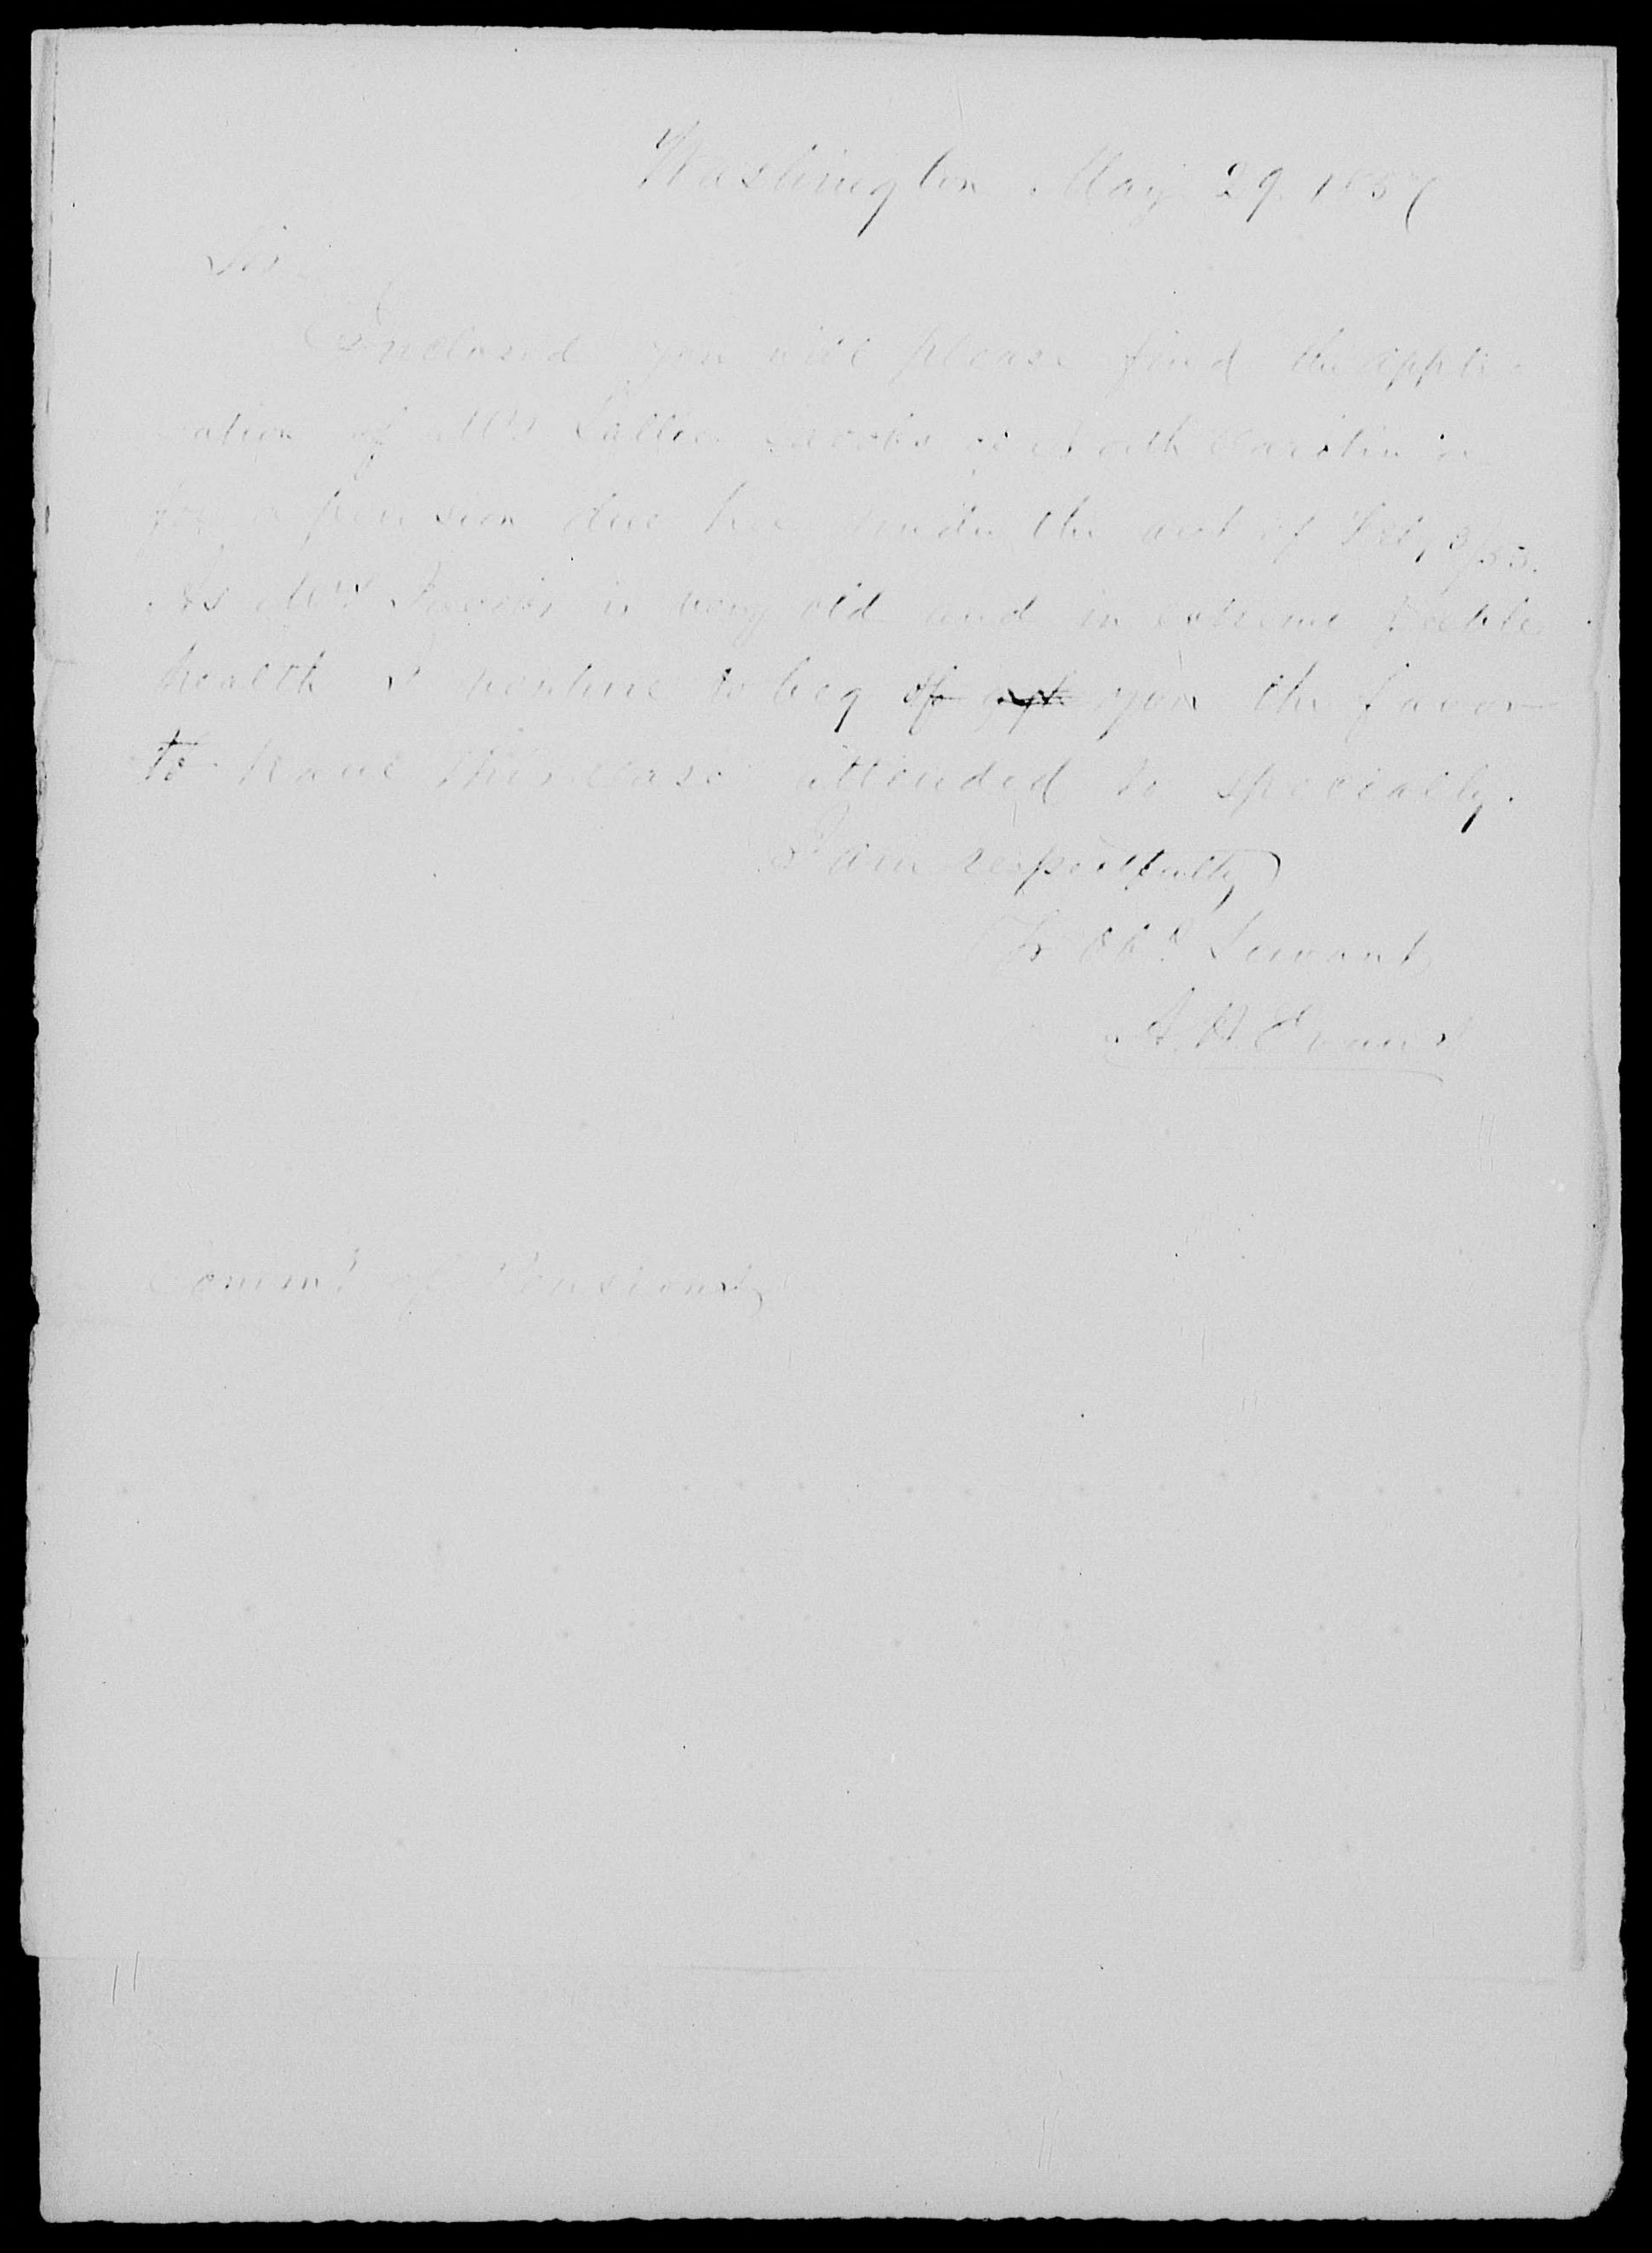Washington  May 29, 1857

Sir

      enclosed you will please find the application of Mrs Sally Jacobs of North Carolina for a pension due her under the act of Feby 3/35. As Mrs Jacobs is very old and in extreme feeble health I venture to beg of [crossout] you the favor to have this case attended to specially.
                 I am respectfully
                           [illegible] Obt Servant
                                 [Signature] A.H. Evans


Comm'r of Pensions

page: 23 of 40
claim: widow's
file: W. 5304, for Zachariah Jacobs, North Carolina